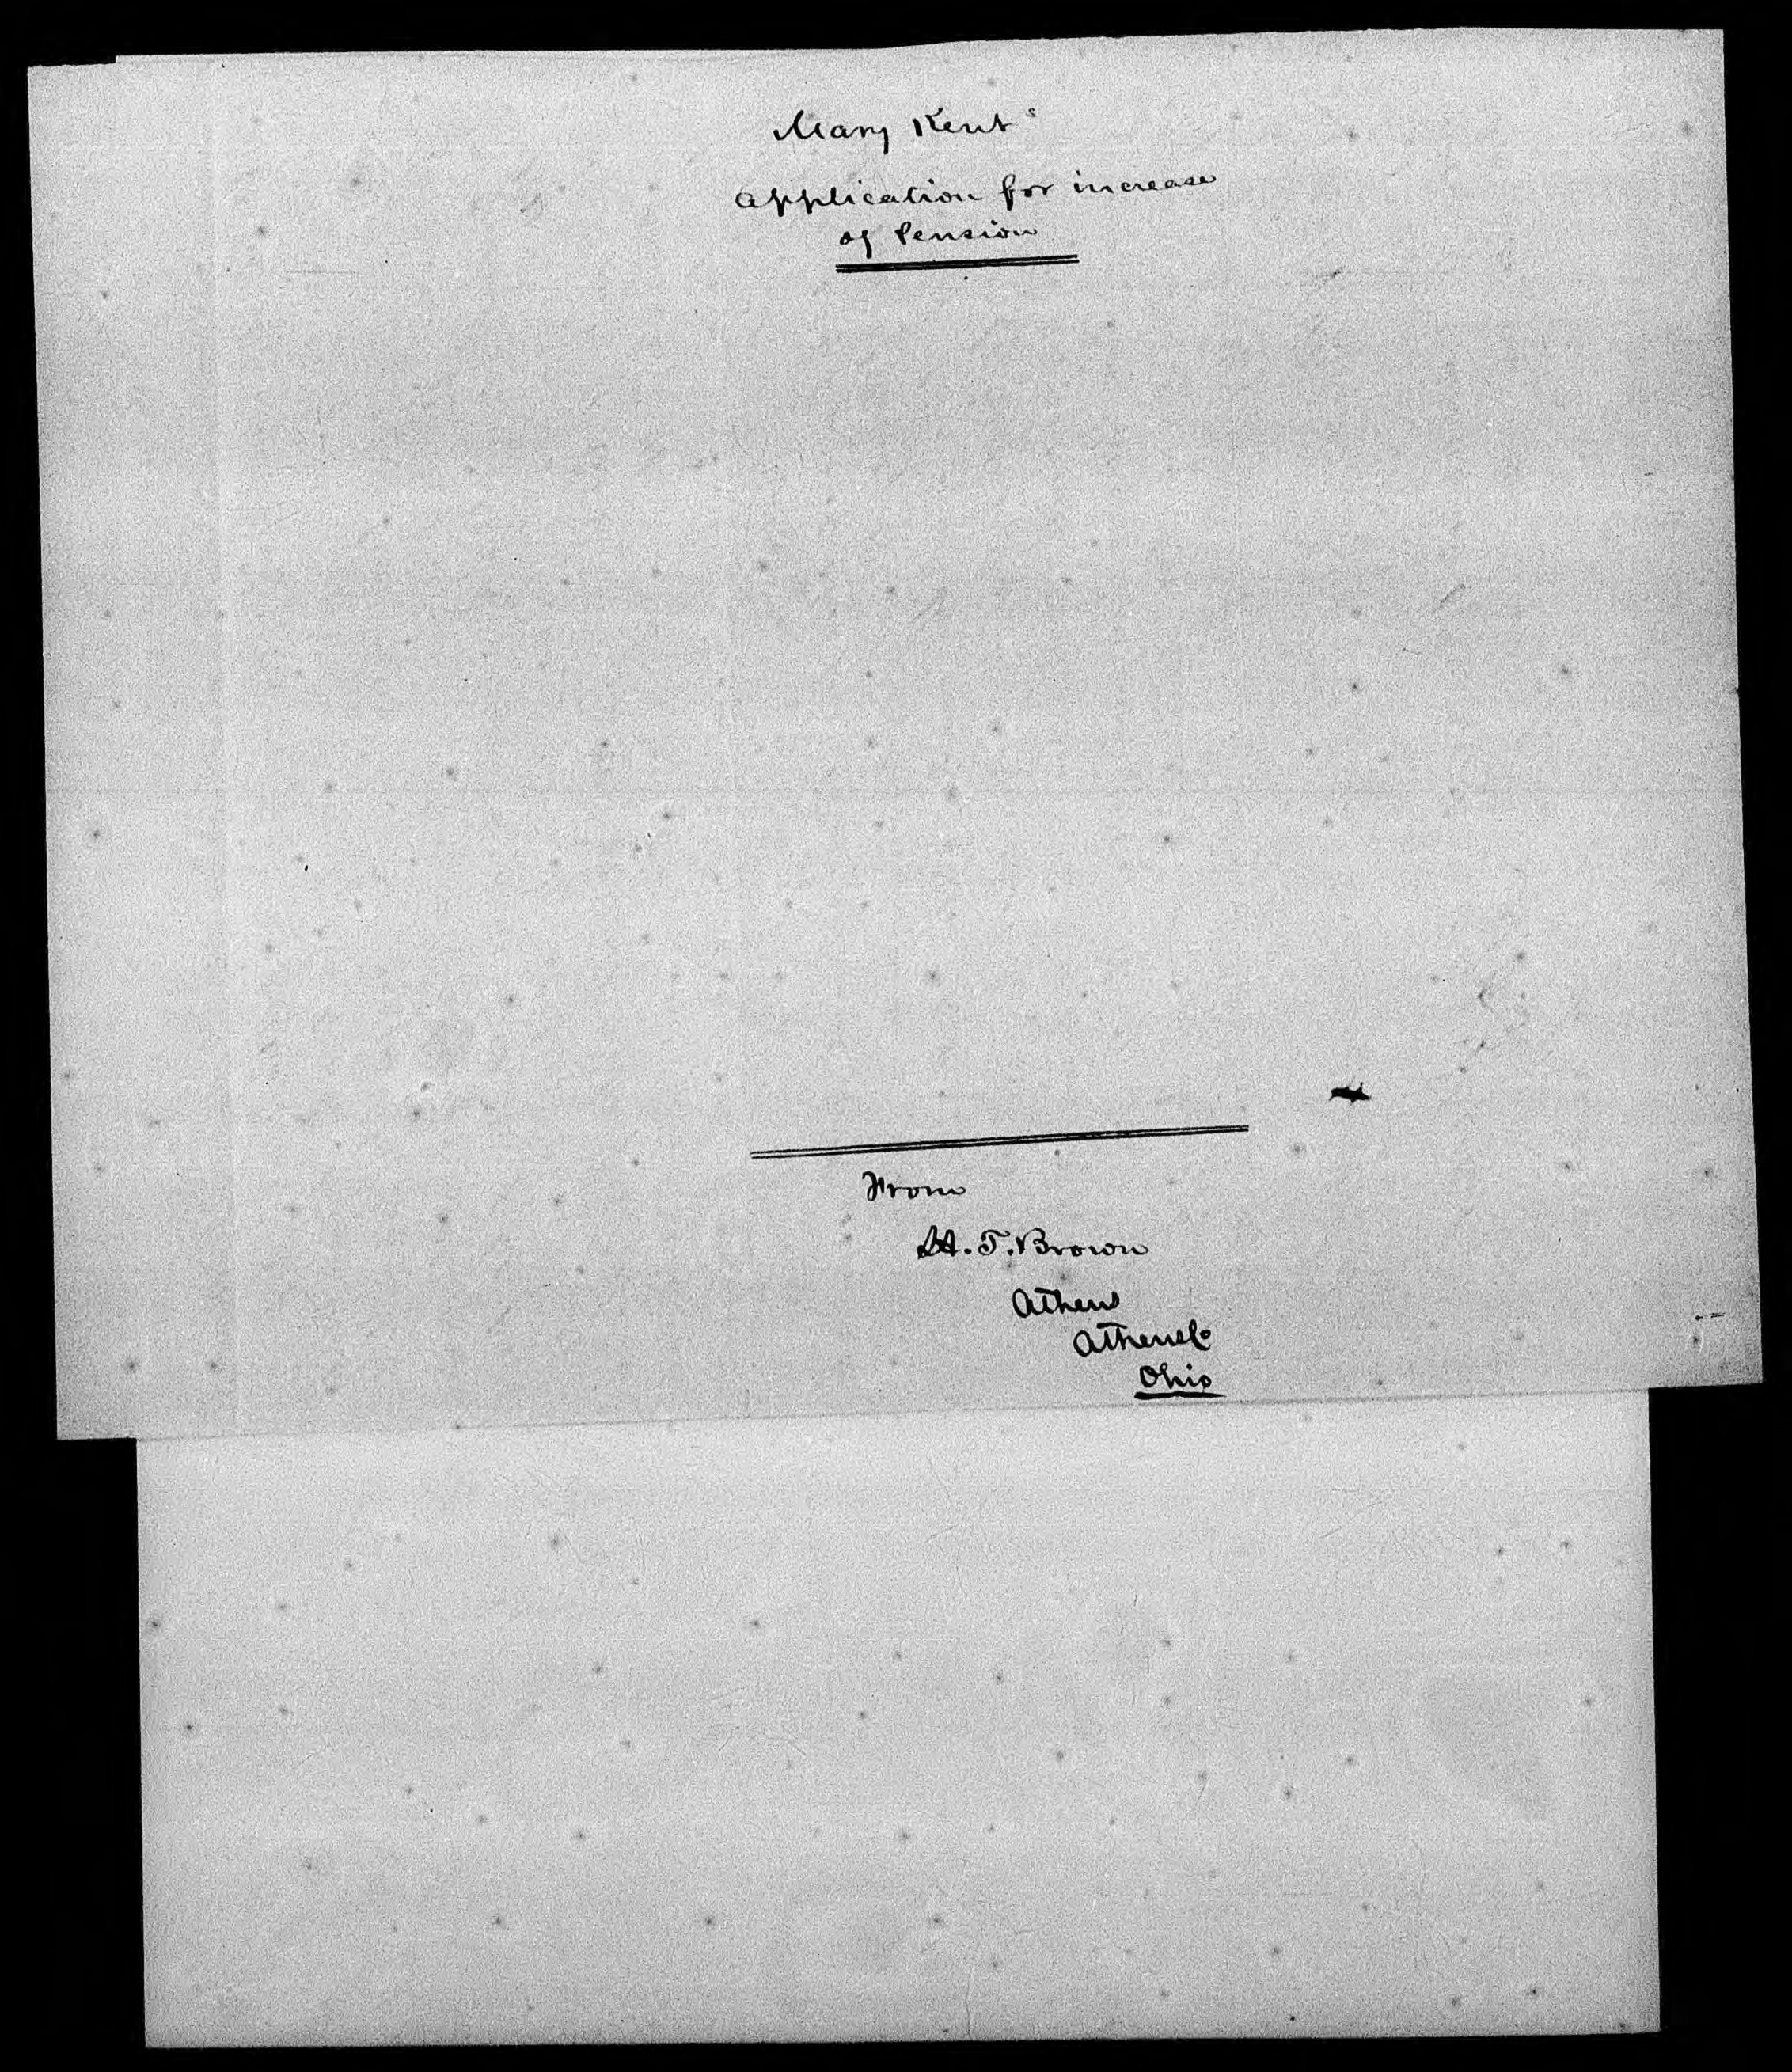Mary Kent
application for increase of pension
===============
From
M. T. Brown
Athens
AthensCo.
Ohio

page: 49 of 50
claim: widow's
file: W. 4253, for John Kent, Vermont